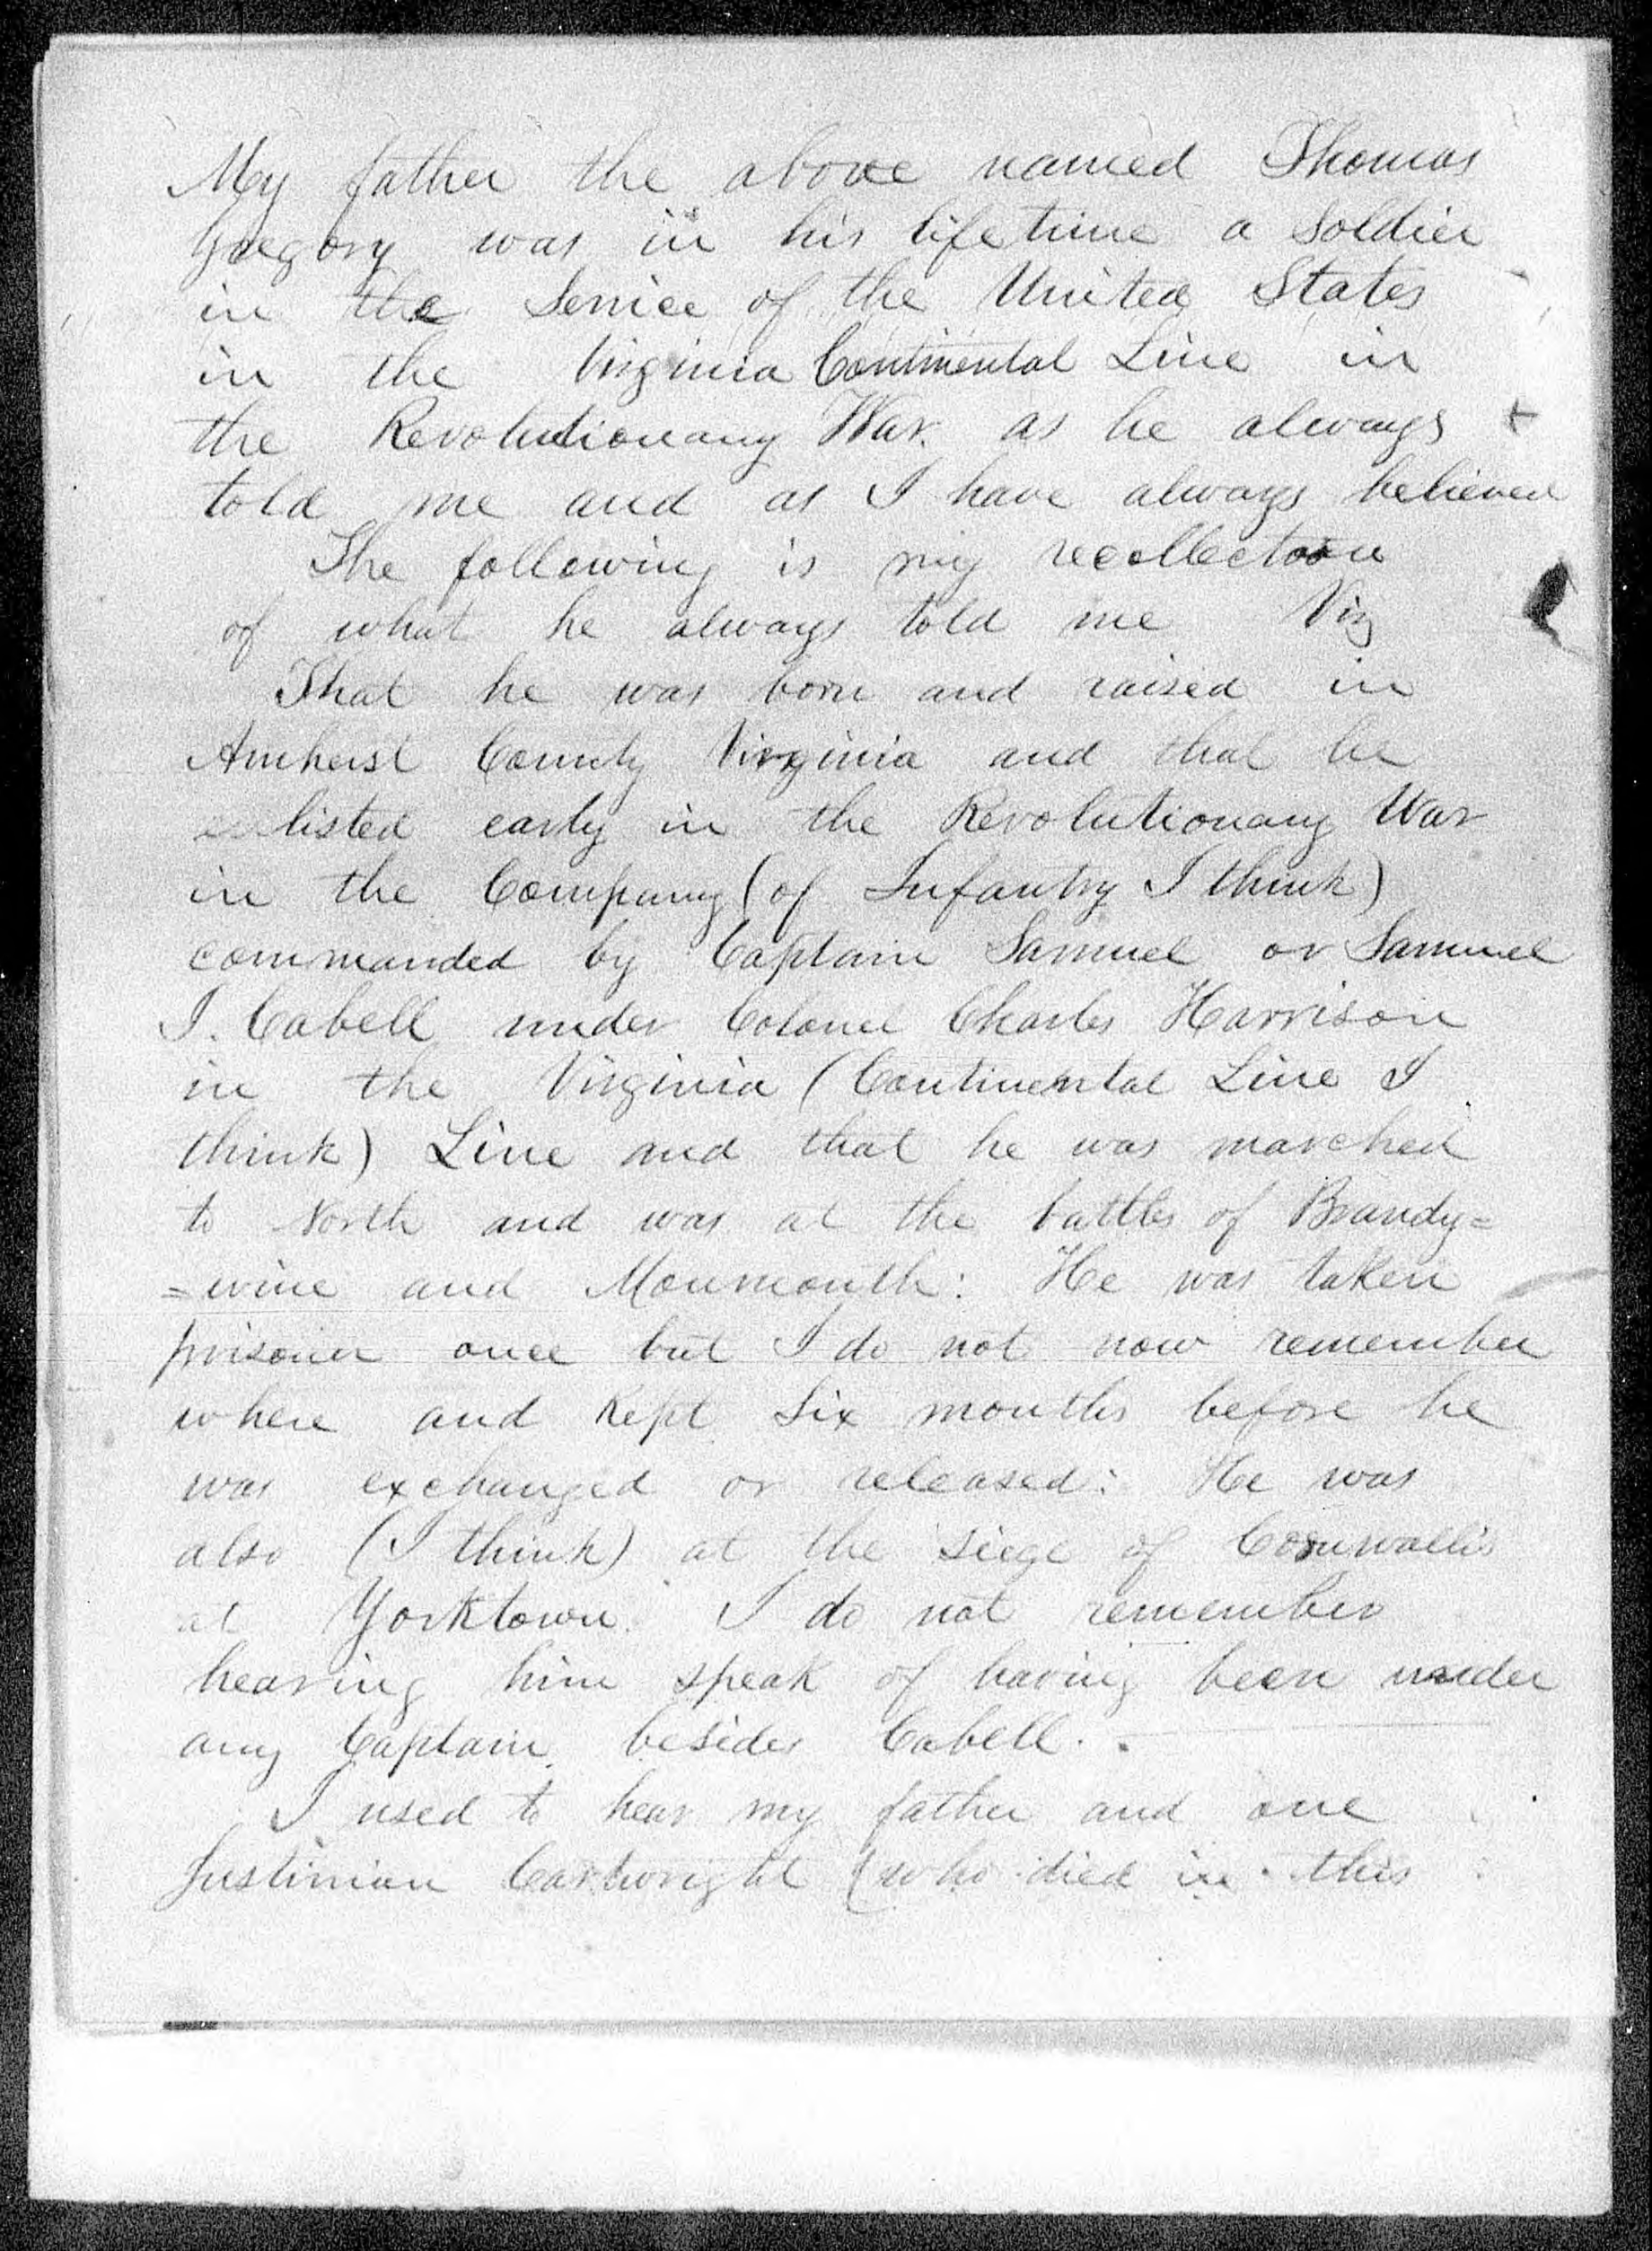My father the above named Thomas Gregory was in his lifetime a Soldier in the Service of the United States in the Virginia Continental Line in the Revolutionary War, as he always told me and as I have always believed.
The following is my recollection of what he always told me. Viz
That he was born and raised in Amherst County Virginia and that he enlisted early in the Revolutionary War in the Company (of Infantry I think) commanded by Captain Samuel or Samuel J. Cabell under Colonel Charles Harrison in the Virginia (Continental Line I think) Line and that he was marched to North and was at the battles of Brandywine and Monmouth: He was taken prisoner once but I do not now remember where and kept six months before he was exchanged or released; He was also (I think) at the siege of Cornwallis at Yorktown.  I do not remember hearing him speak of having been under any Captain besides Cabell.
I used to hear my father and one Justinian Cartwright (who died in this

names: Samuel J Cabell, Thomas Gregory, Charles Harrison, Samuel Cabell, Cabell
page: 54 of 75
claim: widow's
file: W. 8876, Thomas Gregory, Continental Va